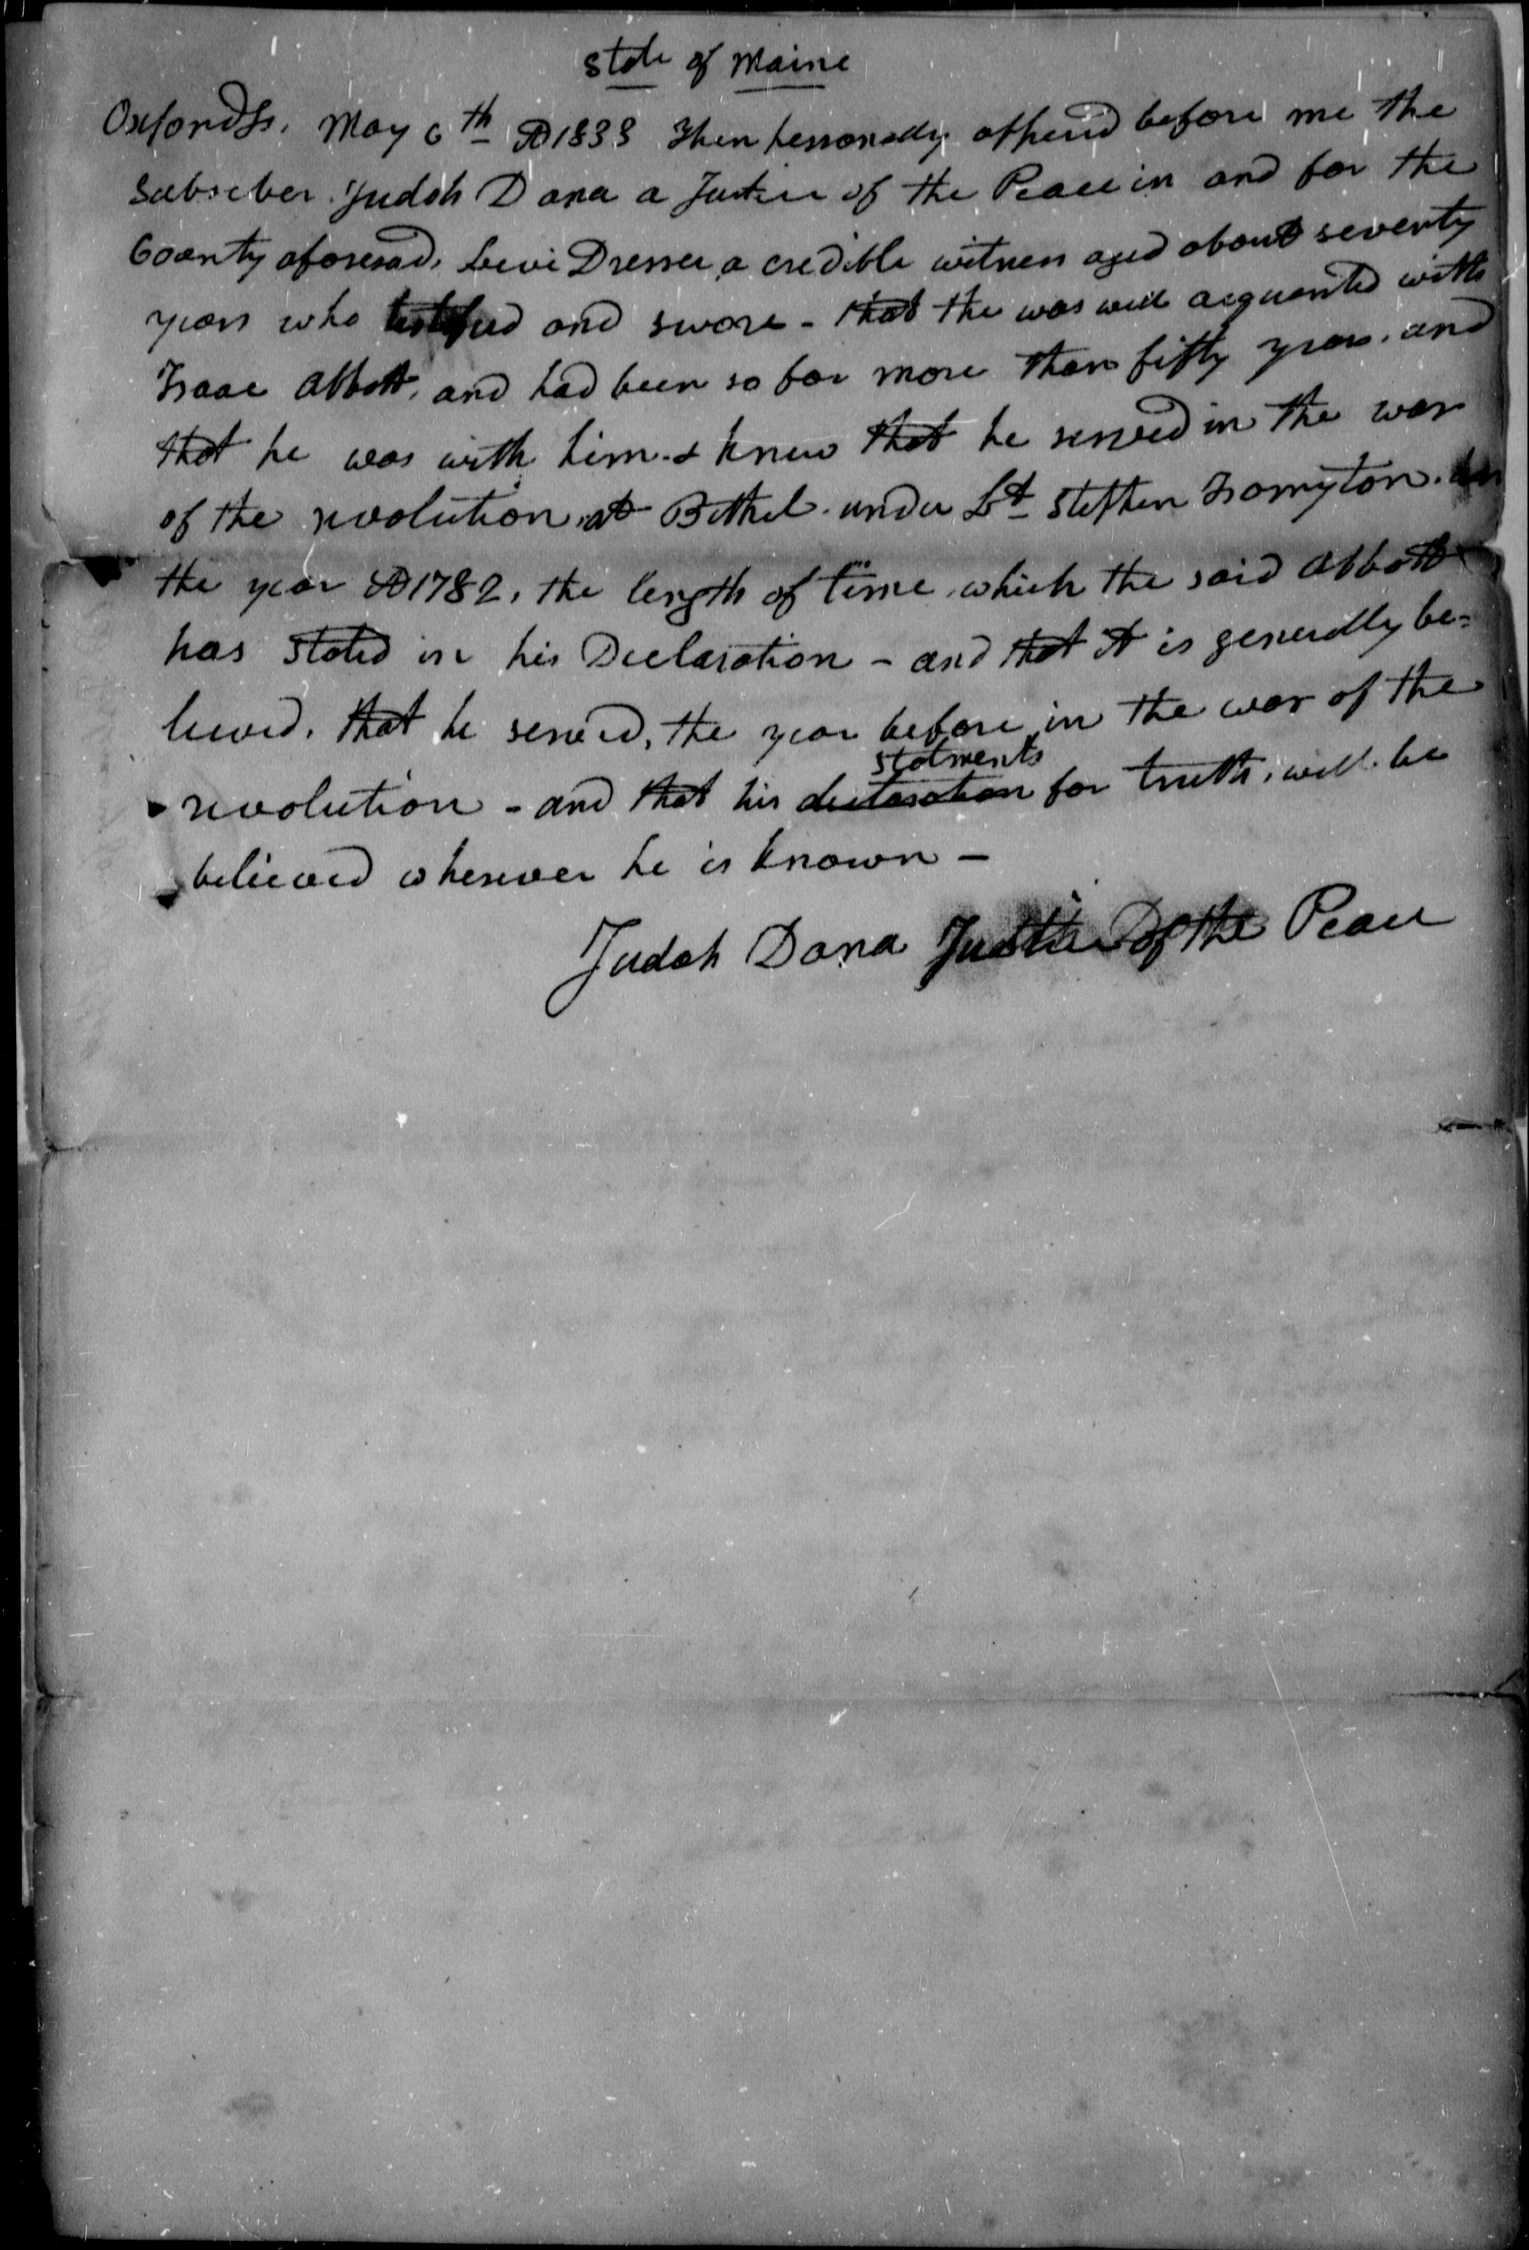State of Maine
Oxford ss. - May 6th, A.D. 1833. Then personally appeared before me the subscriber, Judah Dana, a Justice of the Peace in and for the County aforesaid, Levi Dresser, a credible witness, aged about seventy years, who testified and swore - that he was well acquainted with Isaac Abbott, and had been so for more than fifty years, and that he was with him + knows that he served in the War of the Revolution at Bethel under Lt. Stephen Farrington. In the year A.D. 1782, the length of time which the said Abbott has stated in his Declaration - and that it is generally believed, that his served the year before in the War of the Revolution - and that his statements for truth, will be believed wherever he is known -
[SIGNED: Judah Dana] Justice of the Peace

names: Isaac Abbott, Judah Dona, Abbott, Stephen Forrington, Levi Dresser, Judoh Dana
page: 12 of 86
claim: survivor's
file: S 29,568, Isaac Abbot, Mass